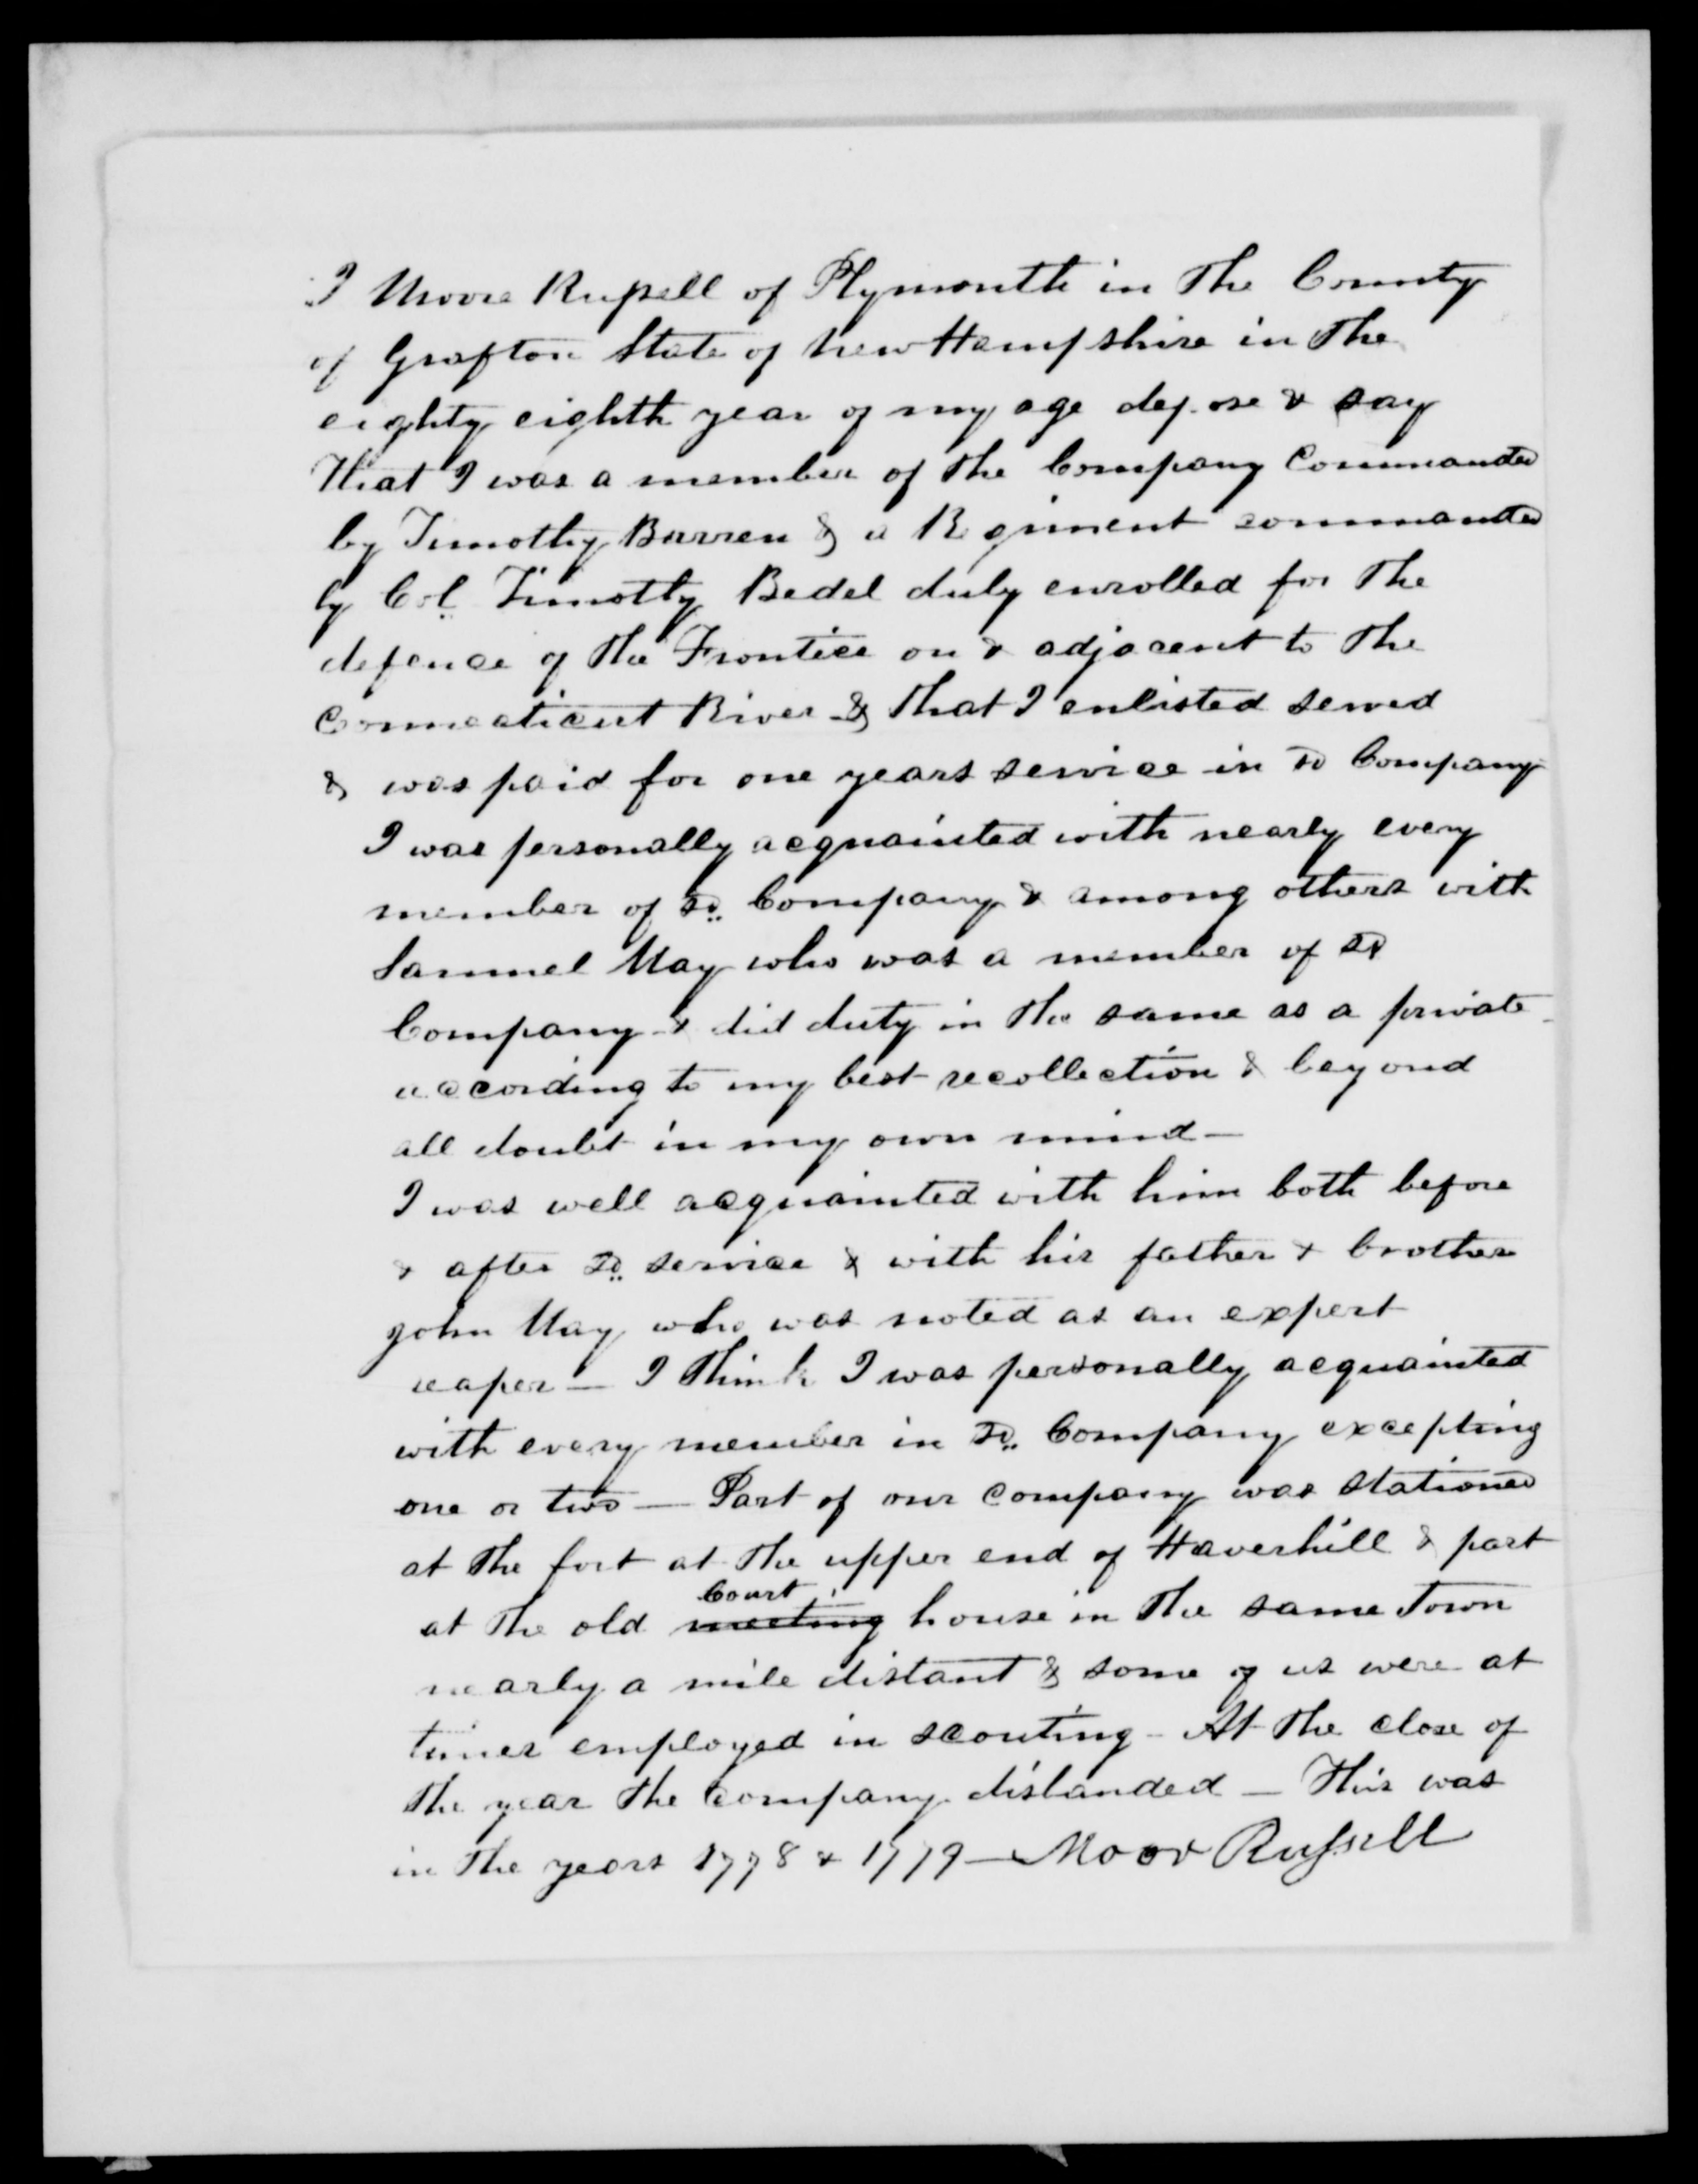I Moore Russell of Plymouth in the County
of Grafton State of New Hampshire in the
eighty eighth year of my age depose & say
That I was a member of the Company commanded
by Timothy Barren & a Regiment commanded
by Col Timothy Bedel duly enrolled for the
defence of the Frontier on & adjacent to the
Connecticut River & that I enlisted served
was paid for one years service in to Company
I was personally acquainted with nearly every
member of sd. Company & among others with
Samuel Way who was a member of sd
Company & did duty in the same as a private
according to my best recollection & beyond
all doubt in my own mind-
I was well acquainted with him both before
after 2 service & with his father & brother
John Way, who was noted as an expert [unintelligible] - I think I was personally acquainted
with every member in sd Company excepting
one or two - Part of our company was stationed
at the fort at the upper end of Haverhill & part
at the old Court house in the same Town
nearly a mile distant & some of us were at
times employed in scouting-- At the close of
the year the company disbanded. This was
in the years 1778 & 1779 Moor Russell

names: Moore Russell, Timothy Barren, John Way, Timothy Bedel, Samuel Way, Moor Russell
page: 43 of 78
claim: widow's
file: W. 25856, Samuel Way, N.H.